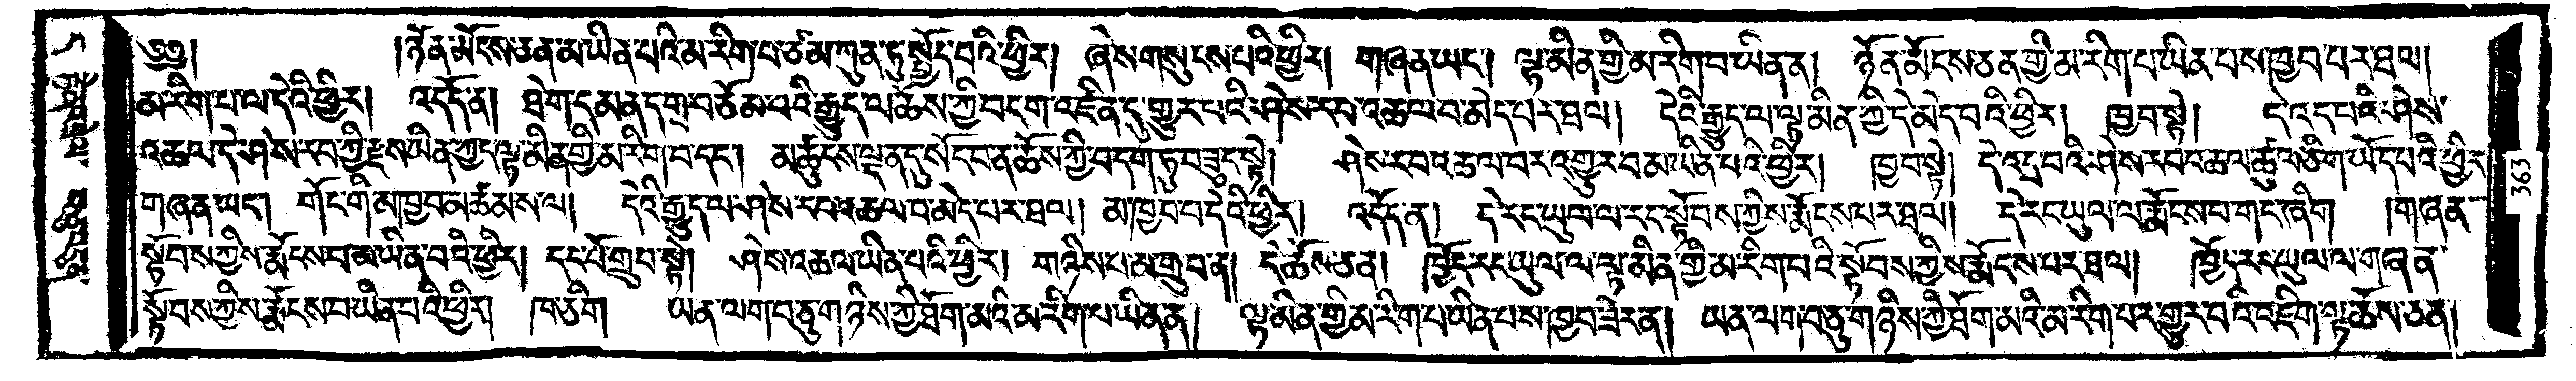༄༅། །ཉོན་མོངས་ཅན་མ་ཡིན་པའི་མ་རིག་པ་ཙམ་ཀུན་ཏུ་སྤྱོད་པའི་ཕྱིར། ཞེས་གསུངས་པའི་ཕྱིར། གཞན་ཡང་། ལྟ་མིན་གྱི་མ་རིག་པ་ཡིན་ན། ཉོན་མོངས་ཅན་གྱི་མ་རིག་པ་ཡིན་པས་ཁྱབ་པར་ཐལ།
མ་རིག་པ་ལ་དེའི་ཕྱིར། འདོད་ན། ཐེག་དམན་དགྲ་བཅོམ་པའི་རྒྱུད་ལ་ཆོས་ཀྱི་བདག་འཛིན་དུ་གྱུར་པའི་ཤེས་རབ་འཆལ་བ་མེད་པར་ཐལ། དེའི་རྒྱུད་ལ་ལྟ་མིན་ཀྱི་དེ་མེད་པའི་ཕྱིར། ཁྱབ་སྟེ། དེ་འདྲ་པའི་ཤེས་
འཆལ་དེ་ཤེས་རབ་ཀྱི་རྫས་ཡིན་ཀྱང་ལྟ་མིན་གྱི་མ་རིག་པ་དང་། མཚུངས་ལྡན་དུ་སོང་བ་ན་ཆོས་ཀྱི་བདག་ཏུ་བཟུང་སྟེ། ཤེས་རབ་འཆལ་བར་འགྱུར་བ་མ་ཡིན་པའི་ཕྱིར། ཁྱབ་སྟེ། དེ་འདྲ་བའི་ཤེས་རབ་འཆལ་ཚུལ་ཅིག་ཡོད་པའི་ཕྱིར་
གཞན་ཡང་། གོང་གི་མ་ཁྱབ་མཚམས་ལ། དེའི་རྒྱུད་ལ་ཤེས་རབ་འཆལ་བ་མེད་པར་ཐལ། མ་ཁྱབ་པ་དེའི་ཕྱིར། འདོད་ན། དེ་རང་ཡུལ་ལ་རང་སྟོབས་ཀྱིས་རྨོངས་པར་ཐལ། དེ་རང་ཡུལ་ལ་རྨོངས་པ་གང་ཞིག །གཞན་
སྟོབས་ཀྱིས་རྨོངས་པ་མ་ཡིན་པའི་ཕྱིར། དང་པོ་གྲུབ་སྟེ། ཤེས་འཆལ་ཡིན་པའི་ཕྱིར། གཉིས་པ་མ་གྲུབ་ན། དེ་ཆོས་ཅན། ཁྱོད་རང་ཡུལ་ལ་ལྟ་མིན་གྱི་མ་རིག་པའི་སྟོབས་ཀྱིས་རྨོངས་པར་ཐལ། ཁྱོད་རང་ཡུལ་ལ་གཞན་
སྟོབས་ཀྱིས་རྨོངས་པ་ཡིན་པའི་ཕྱིར། ཁ་ཅིག་ཡན་ལག་བཅུ་གཉིས་ཀྱི་ཐོག་མའི་མ་རིག་པ་ཡིན་ན། ལྟ་མིན་གྱི་མ་རིག་པ་ཡིན་པས་ཁྱབ་ཟེར་ན། ཡན་ལག་བཅུ་གཉིས་ཀྱི་ཐོག་མའི་མ་རིག་པར་གྱུར་བའི་འཇིག་ལྟ་ཆོས་ཅན།